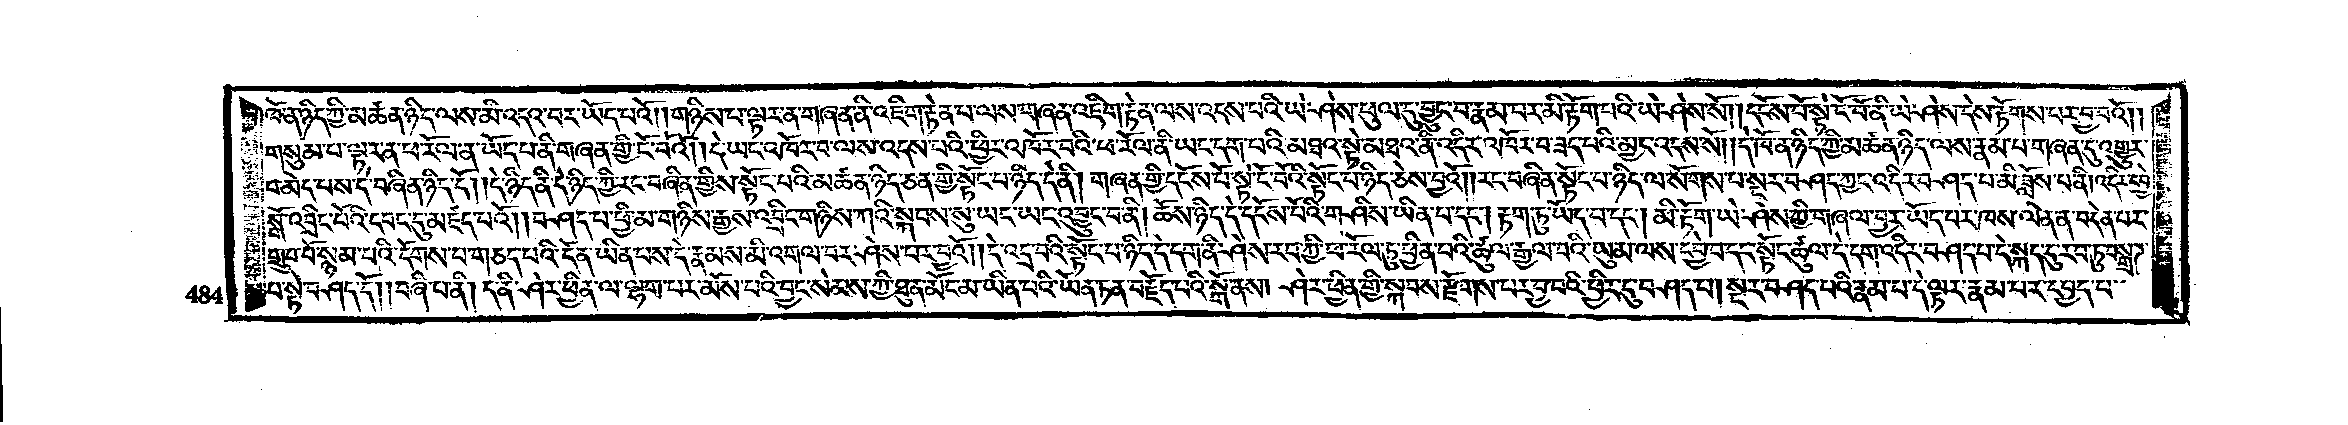ཁོ་ན་ཉིད་ཀྱི་མཚན་ཉིད་ལས་མི་འདའ་བར་ཡོད་པའོ། །གཉིས་པ་ལྟར་ན་གཞན་ནི་འཇིག་རྟེན་པ་ལས་གཞན་འཇིག་རྟེན་ལས་འདས་པའི་ཡེ་ཤེས་ཕུལ་དུ་བྱུང་བ་རྣམ་པར་མི་རྟོག་པའི་ཡེ་ཤེས་སོ། །དངོས་པོ་སྟེ་ངོ་བོ་ནི་ཡེ་ཤེས་དེས་རྟོགས་པར་བྱ་བའོ། །
གསུམ་པ་ལྟར་ན་ཕ་རོལ་ན་ཡོད་པ་ནི་གཞན་གྱི་ངོ་བོའོ། །དེ་ཡང་འཁོར་བ་ལས་འདས་པའི་ཕྱིར་འཁོར་བའི་ཕ་རོལ་ནི་ཡང་དག་པའི་མཐའ་སྟེ་མཐའ་ནི་འདིར་འཁོར་བ་ཟད་པའི་མྱང་འདས་སོ། །དེ་ཁོ་ན་ཉིད་ཀྱི་མཚན་ཉིད་ལས་རྣམ་པ་གཞན་དུ་འགྱུར་
བ་མེད་པས་དེ་བཞིན་ཉིད་དོ། །དེ་ཉིད་ནི་དེ་ཉིད་ཀྱི་རང་བཞིན་གྱིས་སྟོང་པའི་མཚན་ཉིད་ཅན་གྱི་སྟོང་པ་ཉིད་དེ་ནི། གཞན་གྱི་དངོས་པོ་སྟེ་ངོ་བོའི་སྟོང་པ་ཉིད་ཅེས་བྱའོ། །རང་བཞིན་སྟོང་པ་ཉིད་ལ་སོགས་པ་སྔར་བཤད་ཀྱང་འདིར་བཤད་པ་མི་ཟློས་པ་ནི། འདིར་དབྱེ་
སྒོ་འབྲིང་པོའི་དབང་དུ་མཛད་པའོ། །བཤད་པ་ཕྱི་མ་གཉིས་རྒྱས་འབྲིང་གཉིས་ཀའི་སྐབས་སུ་ཡང་ཡང་འབྱུང་བ་ནི། ཆོས་ཉིད་དེ་དངོས་པོའི་གཤིས་ཡིན་པ་དང་། རྟག་ཏུ་ཡོད་པ་དང་། མི་རྟོག་ཡེ་ཤེས་ཀྱི་གཞལ་བྱར་ཡོད་པར་ཁས་ལེན་ན་བདེན་པར་
གྲུབ་བོ་སྙམ་པའི་དོགས་པ་གཅད་པའི་དོན་ཡིན་པས་དེ་རྣམས་མི་འགལ་བར་ཤེས་པར་བྱའོ། །དེ་འདྲ་བའི་སྟོང་པ་ཉིད་དེ་དག་ནི་ཤེས་རབ་ཀྱི་ཕ་རོལ་ཏུ་ཕྱིན་པའི་ཚུལ་རྒྱལ་བའི་ཡུམ་ལས་དབྱེ་བ་དང་སྟོང་ཚུལ་དེ་དག་འདིར་བཤད་པ་དེ་སྐད་དུ་རབ་ཏུ་བསྒྲགས་
པ་སྟེ་བཤད་དོ། །བཞི་པ་ནི། དེ་ནི་ཤེར་ཕྱིན་ལ་ལྷག་པར་མོས་པའི་བྱང་སེམས་ཀྱི་ཐུན་མོང་མ་ཡིན་པའི་ཡོན་ཏན་བརྗོད་པའི་སྒོ་ནས། ཤེར་ཕྱིན་གྱི་སྐབས་རྫོགས་པར་བྱ་བའི་ཕྱིར་དུ་བཤད་པ་སྔར་བཤད་པའི་རྣམ་པ་དེ་ལྟར་རྣམ་པར་དཔྱད་པ་